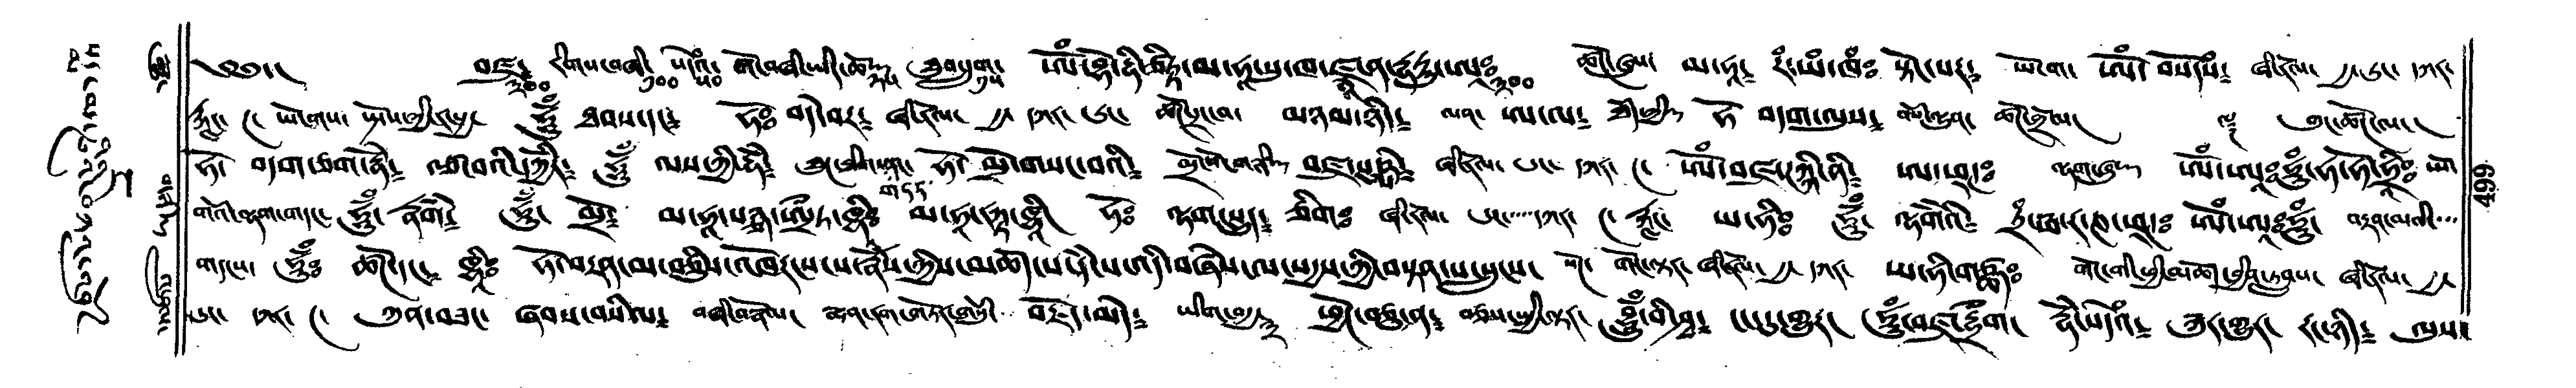བཛྲ༴ སུམ་བརྒྱ། རིགས་བཞི་བརྒྱ། སེམས་དཔའ་ལྔ་ཅུ། སྒོ་བཞི་ཡིད་ཆོས་ཉེར་ལྔ། ཐུབ་དྲུག་བཅོ་ལྔ། ཨོཾ་བྷོ་དྷི་ཙིཏྟ་མ་ཧཱ་སུ་ཁ་ཛྙཱ་ན་དྷརྨ་དྷརྟུ་ཨཱཿ སུམ་བརྒྱ། ཚོགས་ཞུས། མ་ཧཱ༴ རཾ་ཡཾ་ཁཾཿ སྟོང་པར༴ ཡོ་ག ཨོཾ། བསོད་ནམས༴ ཞི་རོལ། རྒྱ། དུང་། དཀར། 
རྐང་བཞི། ཌཱ། ཡོ་གས། སྤོས་ཀྱི་རང་རྒྱ། ཧཱུྃ། ཐབས་དང༴ ཧོཿ བདེ་བར༴ ཞི་རོལ། རྒྱ། དཀར། དུང་། ཚོགས་དྲང་བ། མཉམ་ཉིད༴ ལན། ཨ་ཨ༴ ཐམས་ཅད་ཀྱིས། ཧོཿ བདག་ལུས༴ བསམ་ལྷུན། ཚོགས་གྲོལ།། ༈ གུང་ཚོགས་ལ། 
ཧོཿ བདག་ཅག་རྡོ་རྗེ༴ རྩ་བའི་དཀྱིལ་འཁོར༴ ཧཱུྃ། ལས་ཀྱི་རྡོ་རྗེ༴ ཐུགས་ཐིག་གདངས། ཧོཿ མཁའ་འགྲོ་གསང་བའི༴ མཁའ་འགྲོ་སོ་གཉིས། བཛྲ་པུཥྤེ༴ ཞི་རོལ། དུང་། དཀར། རྔ། ཨོཾ་བཛྲ་ཌཱཀྐི་ནི༴ ཨ་ཕཊཿ ལྷག་ཞུས། ཨོཾ་ཨཱཿཧཱུྃ་ཧ་ཧོ་ཧྲཱིཿ ཡོ་
གའམ་ལྷག་གདངས། ཧཱུྃ། རྣམ་དག༴ ཧཱུྃ། མཁའ་འགྲོ༴ མ་ཧཱ་པཉྩ་ཨ་མྲྀ་ཏ་ཁཱ་ཧིཿ མ་ཧཱ་རཀྟ་ཁཱ་ཧིཿ ཧོཿ ལྷག་སྡུད༴ཅིག༔ ཞི་རོལ། དུང་། དཀར། ཌཱ། རྐང་བཞི། ཡ་ཧིཿ ཧཱུྃ། ལྷག་མའི༴ ཏྲཾ་སྥ་ར་ཎ་ཕཊཿ ཨོཾ་ཨཱཿཧཱུྃ། བརྟན་མའི་
གདངས། ཧཱུྃ། ཚོགས་དང༴ ཁཱ་ཧིཿ ཧོཿ བརྟན་མ་བཅུ་གཉིས་འཁོར་དང་བཅས་པ་རྣམས་ཀྱིས་མཆོད་པ་དམ་པ་འདི་བཞེས་ལ་སངས་རྒྱས་ཀྱི་བསྟན་པ་སྲུངས༴ སོགས་གོང་ལྟར་ཞི་རོལ། རྒྱ། དཀར། ཡ་ཧི་གཙྪཿ གོང་གི་ཕྱི་མཆོད་བྱིན་རླབས། ཞི་རོལ། རྒྱ། 
དུང་། དཀར། རྔ། ཀུན་བཟང༴ ཞབས་བསིལ༴ བཞི་བསྣོལ། སྨན་རཀ་གཏོར་གསུམ། བརྗོད་མེད༴ ཡིག་བརྒྱ་གསུམ། ཕྱོགས་བཅུ་ན༴ བཅས་སྤྱི་ལྟར། བྷྲཱུྃ་བི་ཤྭ༴ ངང་དུ་གྱུར། ཧཱུྃ་བཛྲ་དྷྲྀག རྡོ་རྗེ་སེམས་དཔའ༴ སྐུར་གྱུར། རང་ཉིད༴ ལུས་